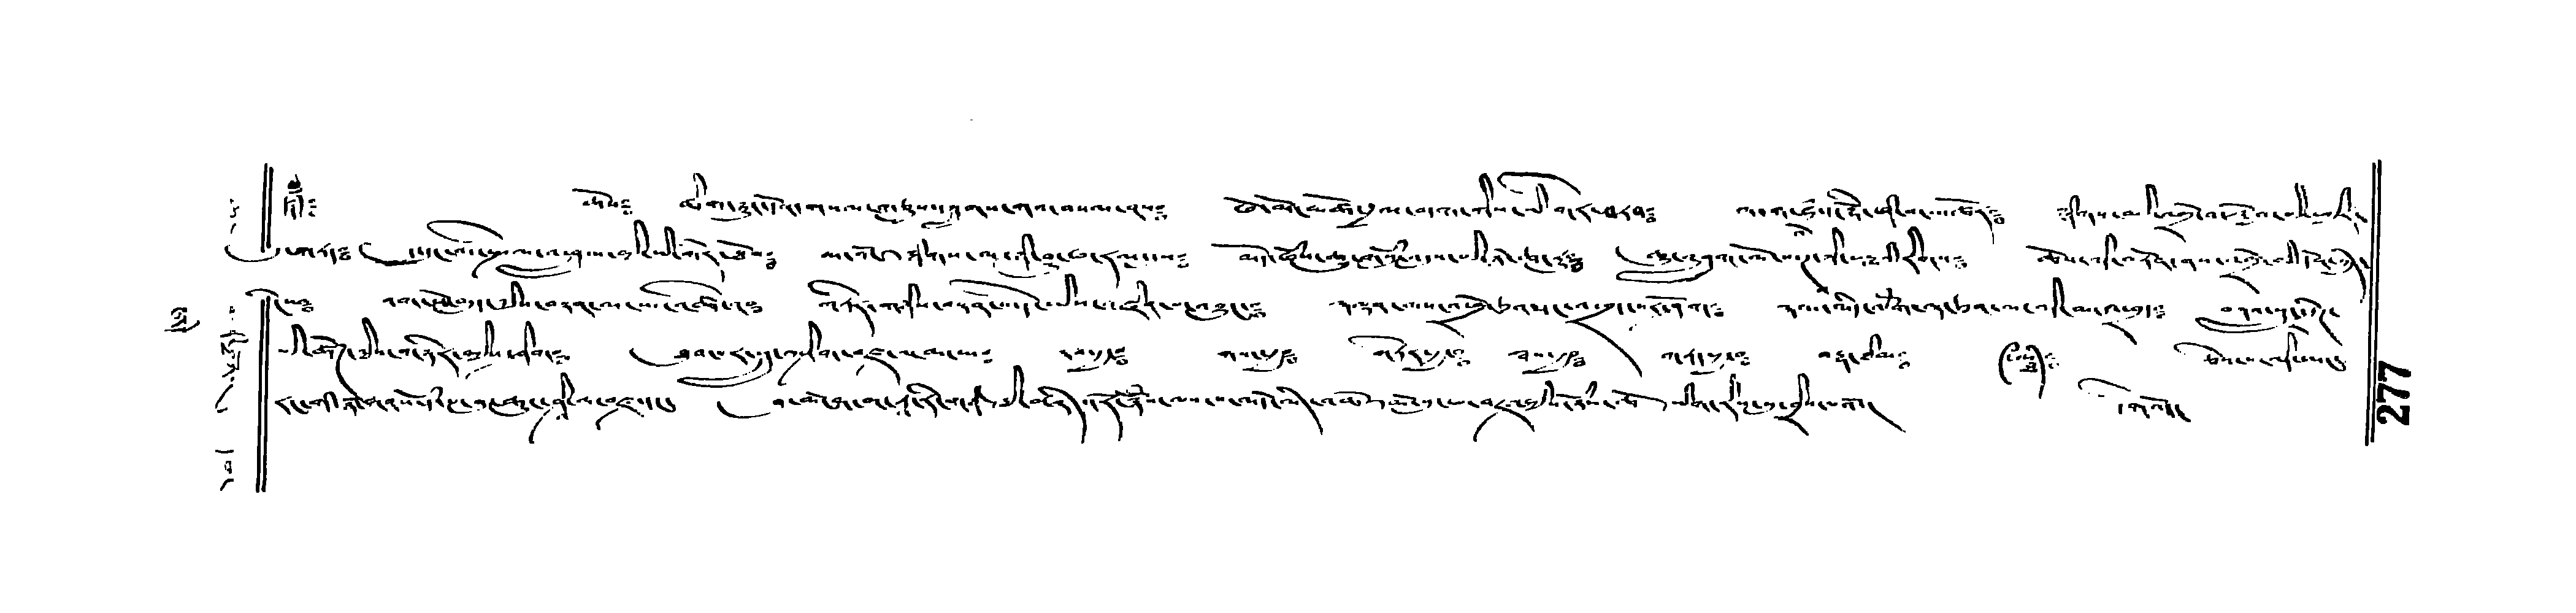ཆོས༔ ཚིག་ཉུང་དོན་གསལ་གཅུས་དཀྲུགས་གབ་གསལ་ནས༔ ཁོ་མོ་མཚོ་རྒྱལ་བདག་གིས་ཡི་གེར་བཏབ༔ ས་ག་ཧྲཱི་དང་རྡོ་རྗེ་ཞི་བ་མཚོར༔ སྙིགས་མའི་འགྲོ་བ་སྐྱོབ་བའི་ཕྱིར་
དུ་གཏད༔ ད་དུང་མ་སྤེལ་འཕྲུལ་གྱི་ཡི་གེར་ཐོབ༔ མ་འོངས་སྙིགས་མ་ཉི་ཤུ་ཁ་རལ་དུས༔ མདོ་ཁམས་ཆུ་གསུམ་འདུས་པའི་ཉོ་ཆ་རུ༔ ཆུ་འབྲུག་ལོ་པ་ཌཱ་ཀི་པདྨའི་རིགས༔ ཆོས་འདི་བཏོན་ནས་འགྲོ་བའི་དོན་བྱེད་
ངེས༔ ནག་པོ་བདུད་ཀྱིས་བསྟན་ལ་མ་འཚེ་ན༔ གཏེར་གཉིས་བསྟན་པ་དེ་ཡིས་འཛིན་པ་འབྱུང༔ སྐལ་ལྡན་ལས་འཕྲོ་ཅན་དང་འཕྲད་པར་ཤོག༔ སྐལ་མེད་ལོག་ལྟ་ཅན་ལ་འདི་མ་འཕྲད༔ བཀའ་སྲུང་དྲེགས་
པའི་ཚོགས་ཀྱིས་གཉེར་གྱིས་ཤིག༔ ཐུབ་པར་སྲུངས་ཤིག་བཛྲ་ས་མ་ཡ༔ ཟབ་རྒྱ༔ གསང་རྒྱ༔ གཏེར་རྒྱ༔ སྦས་རྒྱ༔ གཏད་རྒྱ༔ བརྡ་ཐིམ༔ ༔ ཅེས་པ་འདི་ཡང་
རང་གི་ཉེ་གནས་དམ་པ་བུ་ཆུང་ཤཱི་ལ་བཛྲ་དང༔ བུ་མོ་ནག་ཏཱ་རེ་གཉིས་ཀྱི་བཞེད་དོར་སྙོམས་ལས་པ་མདོ་མེད་འཆོལ་མོ་སུ་ཁ་བཛྲ་གྱིས་ཉམས་ཆོས་ཡིག་རིས་སུ་བྲིས་པ་དགེའོ།།